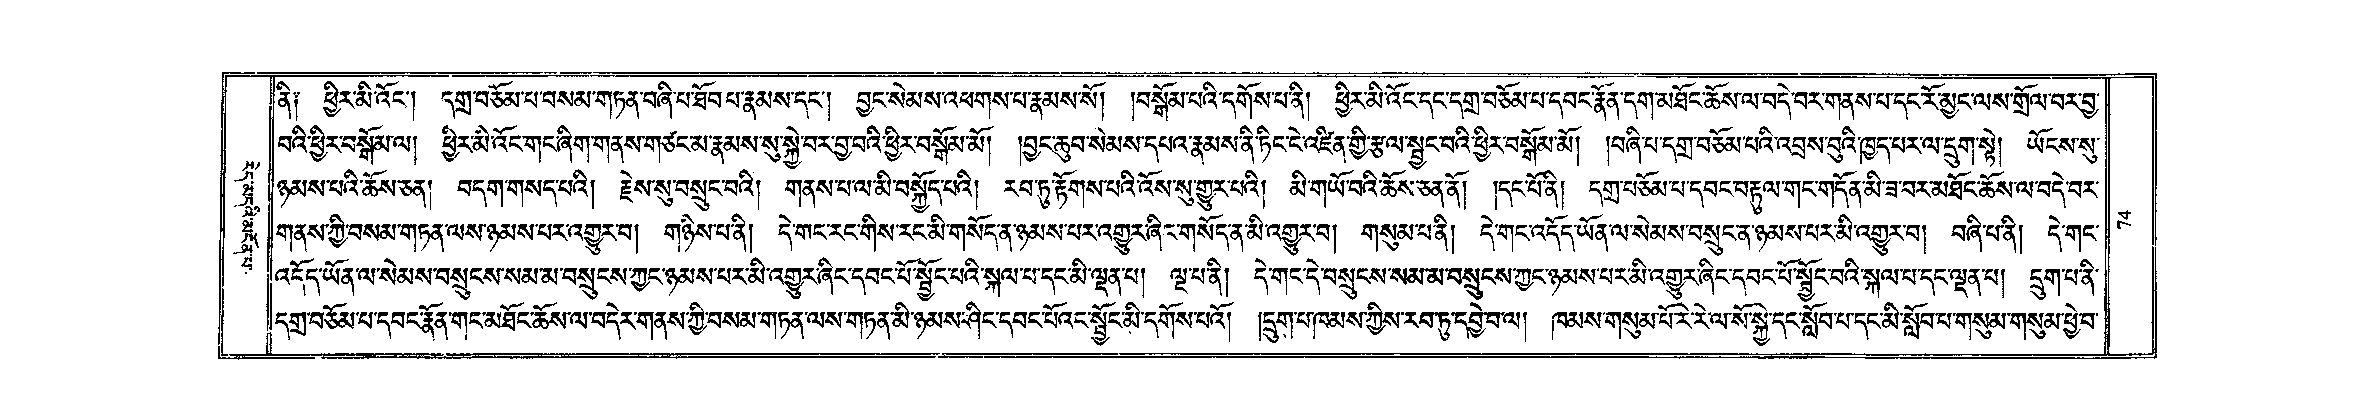ནི༑ ཕྱིར་མི་འོང་། དགྲ་བཅོམ་པ་བསམ་གཏན་བཞི་པ་ཐོབ་པ་རྣམས་དང་། བྱང་སེམས་འཕགས་པ་རྣམས་སོ། །བསྒོམ་པའི་དགོས་པ་ནི། ཕྱིར་མི་འོང་དང་དགྲ་བཅོམ་པ་དབང་རྣོན་དག་མཐོང་ཆོས་ལ་བདེ་བར་གནས་པ་དང་རོ་མྱང་ལས་གྲོལ་བར་བྱ་
བའི་ཕྱིར་བསྒོམ་ལ། ཕྱིར་མི་འོང་གང་ཞིག་གནས་གཙང་མ་རྣམས་སུ་སྐྱེ་བར་བྱ་བའི་ཕྱིར་བསྒོམ་མོ། །བྱང་ཆུབ་སེམས་དཔའ་རྣམས་ནི་ཏིང་ངེ་འཛིན་གྱི་རྩལ་སྦྱང་བའི་ཕྱིར་བསྒོམ་མོ། །བཞི་པ་དགྲ་བཅོམ་པའི་འབྲས་བུའི་ཁྱད་པར་ལ་དྲུག་སྟེ། ཡོངས་སུ་
ཉམས་པའི་ཆོས་ཅན། བདག་གསད་པའི། རྗེས་སུ་བསྲུང་བའི། གནས་པ་ལ་མི་བསྐྱོད་པའི། རབ་ཏུ་རྟོགས་པའི་འོས་སུ་གྱུར་པའི། མི་གཡོ་བའི་ཆོས་ཅན་ནོ། །དང་པོ་ནི། དགྲ་བཅོམ་པ་དབང་བརྟུལ་གང་གདོན་མི་ཟ་བར་མཐོང་ཆོས་ལ་བདེ་བར་
གནས་ཀྱི་བསམ་གཏན་ལས་ཉམས་པར་འགྱུར་བ། གཉིས་པ་ནི། དེ་གང་རང་གིས་རང་མི་གསོད་ན་ཉམས་པར་འགྱུར་ཞིང་གསོད་ན་མི་འགྱུར་བ། གསུམ་པ་ནི། དེ་གང་འདོད་ཡོན་ལ་སེམས་བསྲུང་ན་ཉམས་པར་མི་འགྱུར་བ། བཞི་པ་ནི། དེ་གང་
འདོད་ཡོན་ལ་སེམས་བསྲུངས་སམ་མ་བསྲུངས་ཀྱང་ཉམས་པར་མི་འགྱུར་ཞིང་དབང་པོ་སྦྱོང་པའི་སྐལ་པ་དང་མི་ལྡན་པ། ལྔ་པ་ནི། དེ་གང་དེ་བསྲུངས་སམ་མ་བསྲུངས་ཀྱང་ཉམས་པར་མི་འགྱུར་ཞིང་དབང་པོ་སྦྱོང་བའི་སྐལ་བ་དང་ལྡན་པ། དྲུག་པ་ནི་
དགྲ་བཅོམ་པ་དབང་རྣོན་གང་མཐོང་ཆོས་ལ་བདེར་གནས་ཀྱི་བསམ་གཏན་ལས་གཏན་མི་ཉམས་ཤིང་དབང་པོའང་སྦྱོང་མི་དགོས་པའོ། །དྲུག་པ་ཁམས་ཀྱིས་རབ་ཏུ་དབྱེ་བ་ལ། ཁམས་གསུམ་པོ་རེ་རེ་ལ་སོ་སྐྱེ་དང་སློབ་པ་དང་མི་སློབ་པ་གསུམ་གསུམ་ཕྱེ་བ་